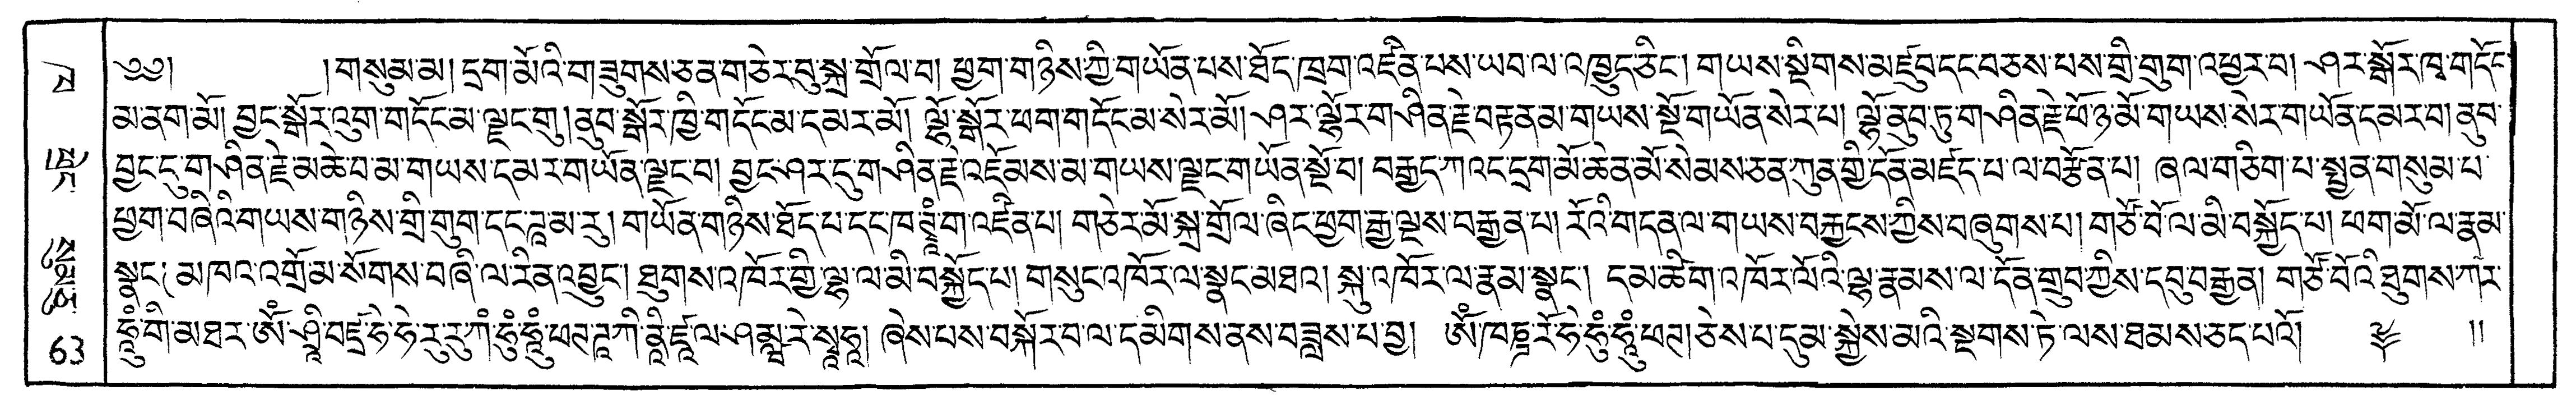༄༅། །གསུམ་མ། དྲག་མོའི་གཟུགས་ཅན་གཅེར་བུ་སྐྲ་གྲོལ་བ། ཕྱག་གཉིས་ཀྱི་གཡོན་པས་ཐོད་ཁྲག་འཛིན་པས་ཡབ་ལ་འཁྱུད་ཅིང་། གཡས་སྡིགས་མཛུབ་དང་བཅས་པས་གྲི་གུག་འཕྱར་བ། ཤར་སྒོར་ཁྭ་གདོང་
མ་ནག་མོ། བྱང་སྒོར་འུག་གདོང་མ་ལྗང་གུ །ནུབ་སྒོར་ཁྱི་གདོང་མ་དམར་མོ། ལྷོ་སྒོར་ཕག་གདོང་མ་སེར་མོ། ཤར་ལྷོར་གཤིན་རྗེ་བརྟན་མ་གཡས་སྔོ་གཡོན་སེར་པ། ལྷོ་ནུབ་ཏུ་གཤིན་རྗེ་ཕོ་ཉ་མོ་གཡས་སེར་གཡོན་དམར་བ། ནུབ་
བྱང་དུ་གཤིན་རྗེ་མཆེ་བ་མ་གཡས་དམར་གཡོན་ལྗང་བ། བྱང་ཤར་དུ་གཤིན་རྗེ་འཇོམས་མ་གཡས་ལྗང་གཡོན་སྔོ་བ། བརྒྱད་ཀའང་དྲག་མོ་ཆེན་མོ་སེམས་ཅན་ཀུན་གྱི་དོན་མཛད་པ་ལ་བརྩོན་པ། ཞལ་གཅིག་པ་སྤྱན་གསུམ་པ་
ཕྱག་བཞིའི་གཡས་གཉིས་གྲི་གུག་དང་ཌཱ་མ་རུ། གཡོན་གཉིས་ཐོད་པ་དང་ཁ་ཊྭཱཾ་ག་འཛིན་པ། གཅེར་མོ་སྐྲ་གྲོལ་ཞིང་ཕྱག་རྒྱ་ལྔས་བརྒྱན་པ། རོའི་གདན་ལ་གཡས་བརྐྱངས་ཀྱིས་བཞུགས་པ། གཙོ་བོ་ལ་མི་བསྐྱོད་པ། ཕག་མོ་ལ་རྣམ་
སྣང་། མཁའ་འགྲོ་མ་སོགས་བཞི་ལ་རིན་འབྱུང་། ཐུགས་འཁོར་གྱི་ལྷ་ལ་མི་བསྐྱོད་པ། གསུང་འཁོར་ལ་སྣང་མཐའ། སྐུ་འཁོར་ལ་རྣམ་སྣང་། དམ་ཚིག་འཁོར་ལོའི་ལྷ་རྣམས་ལ་དོན་གྲུབ་ཀྱིས་དབུ་བརྒྱན། གཙོ་བོའི་ཐུགས་ཀར་
ཧཱུཾ་གི་མཐར་ཨོཾ་ཤྲཱི་བཛྲ་ཧེ་ཧེ་རུ་རུ་ཀཾ་ཧུཾ་ཧཱུཾ་ཕཊ་ཌཱ་ཀི་ནཱི་ཛཱ་ལ་ཤམྭ་རེ་སྭཱཧཱ། ཞེས་པས་བསྐོར་བ་ལ་དམིགས་ནས་བཟླས་པ་བྱ། ཨོཾ་ཁཎྜ་རོ་ཧེ་ཧུཾ་ཧཱུཾ་ཕཊ། ཅེས་པ་དུམ་སྐྱེས་མའི་སྔགས་ཏེ་ལས་ཐམས་ཅད་པའོ། ༈ །།